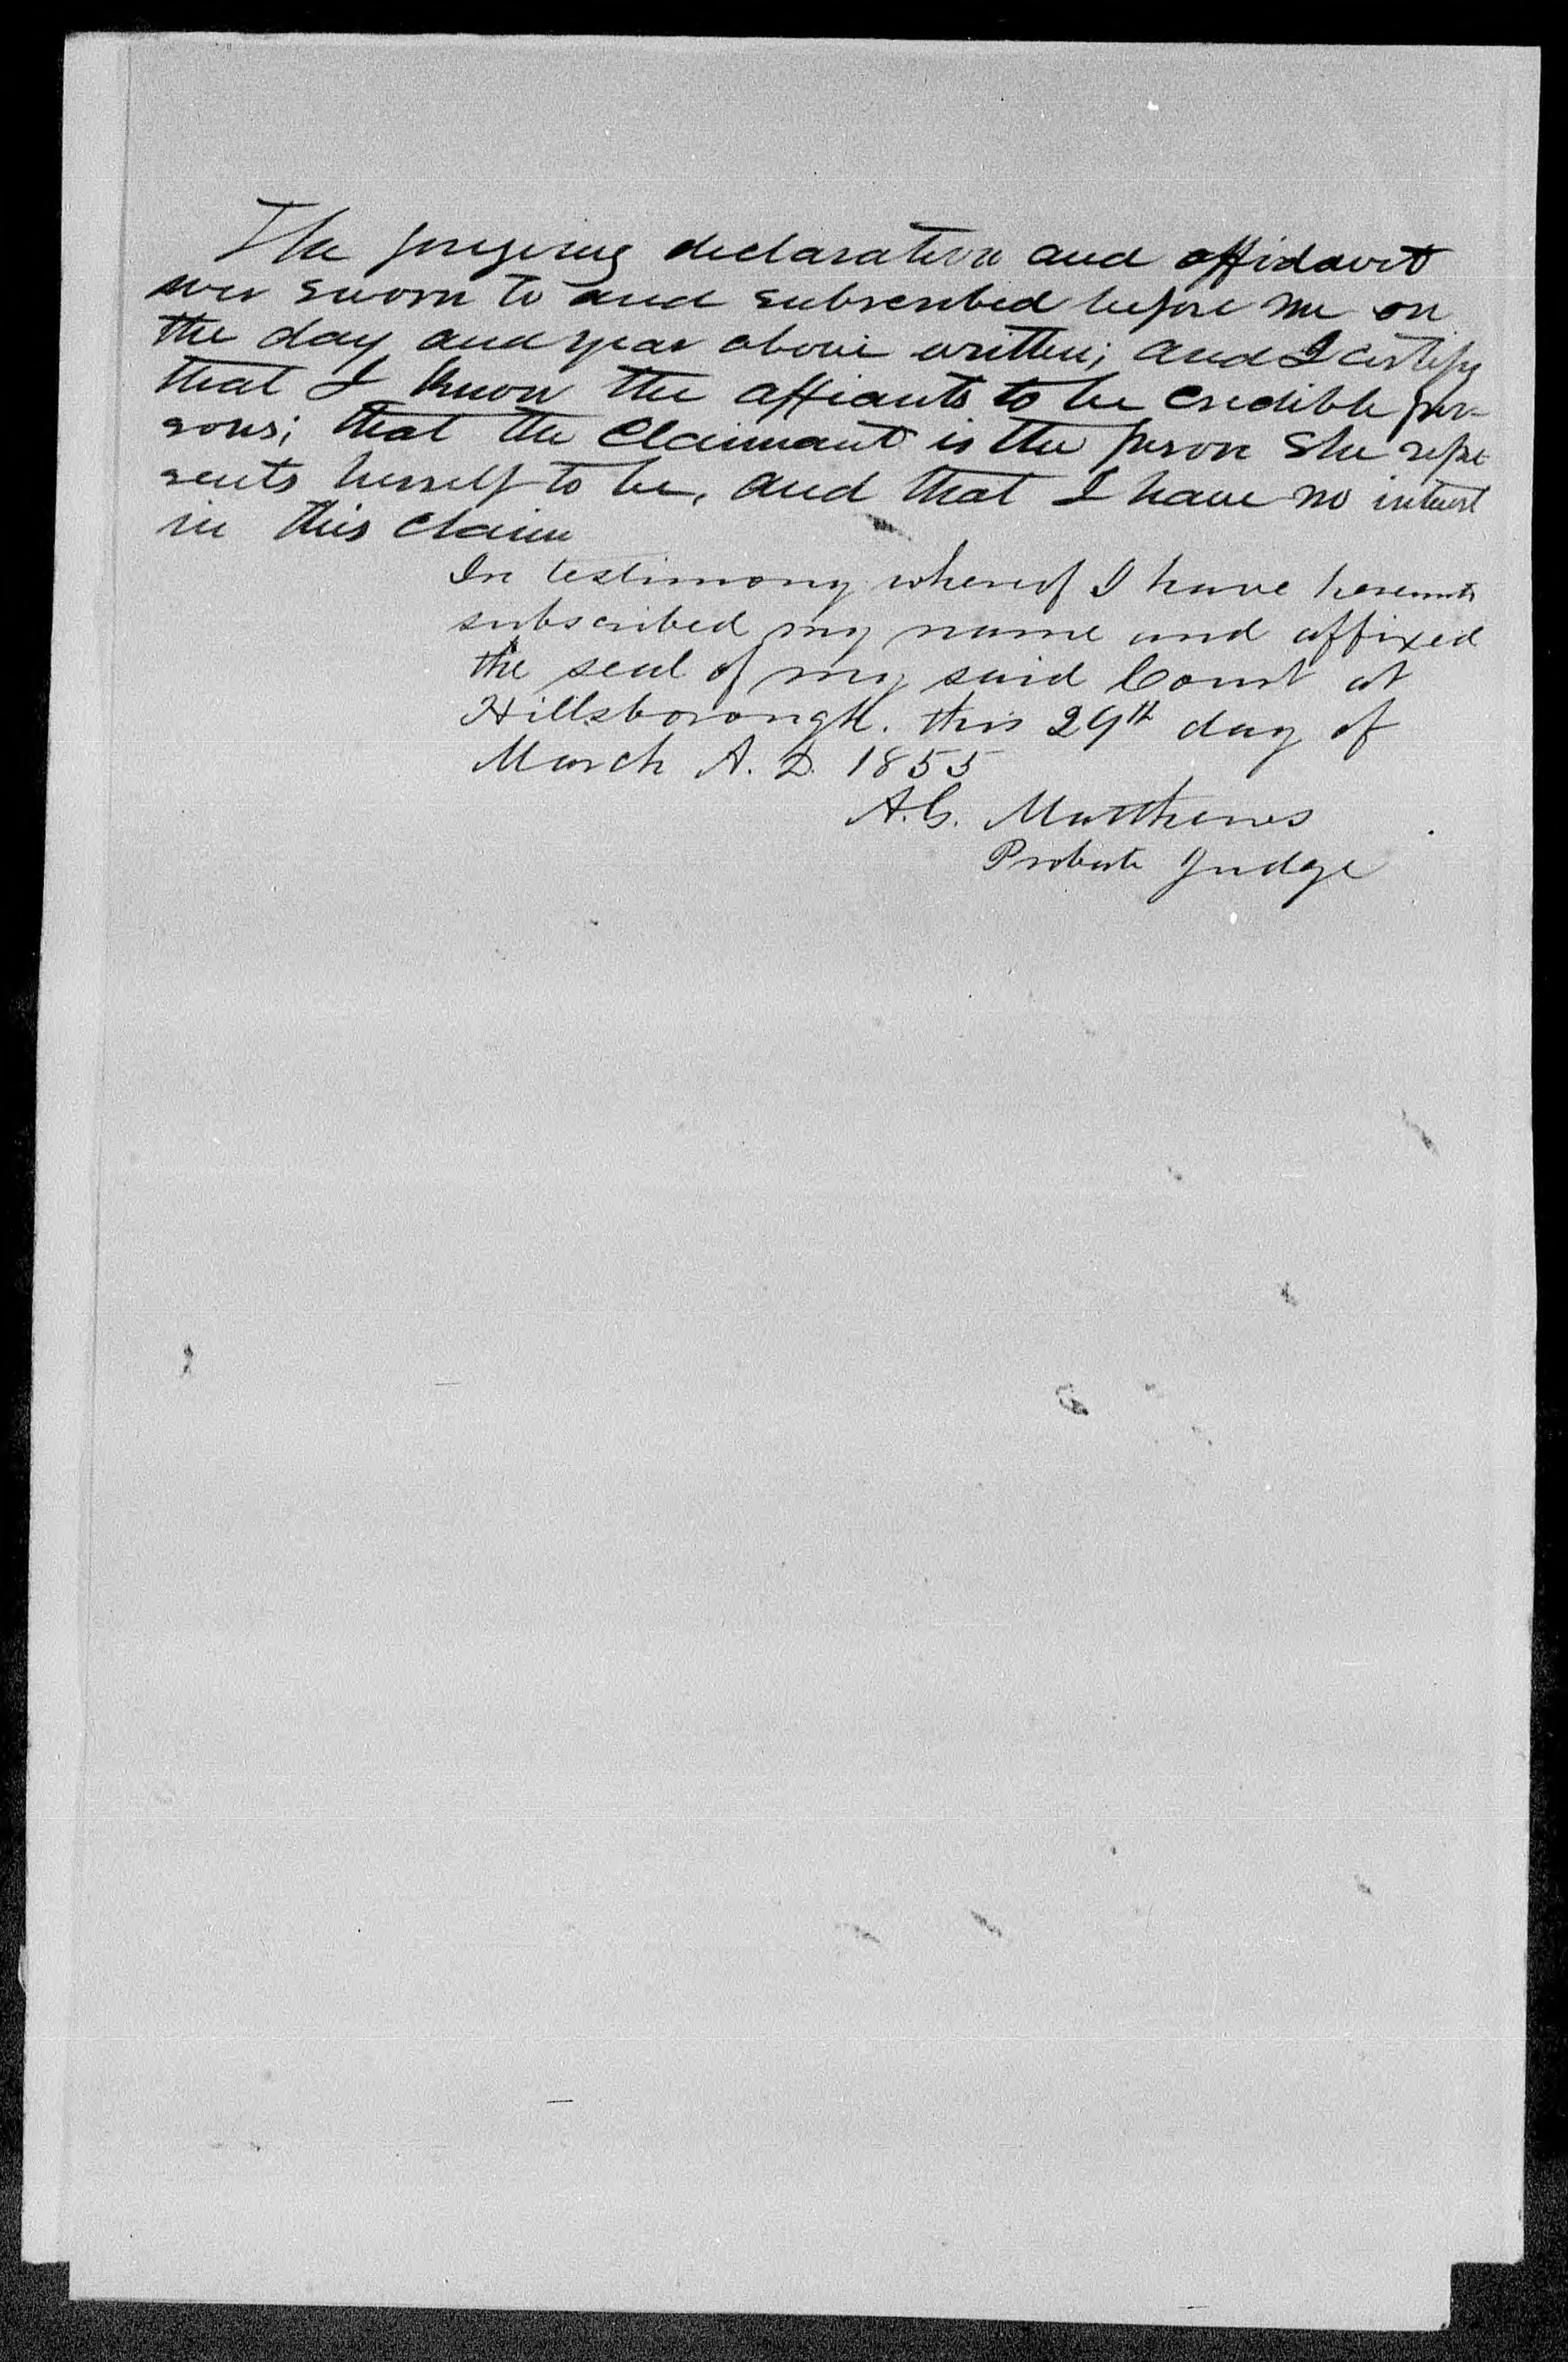The foregoing declaration and affidavit were sworn to and subscribed before me on the day and year above written; and I certify that I know the affiants to be credible persons; that the claimant is the person she represents herself to be, and that I have no interest in this claim
In testimony whereof I have hereunto subscribed my name and affixed the seal of my said Court at
Hillsborough this 29th day of March A.D. 1855
A.G. Matthews
Probate Judge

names: A G Matthews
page: 14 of 80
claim: widow's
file: W 2070, John Crawford, Penn.